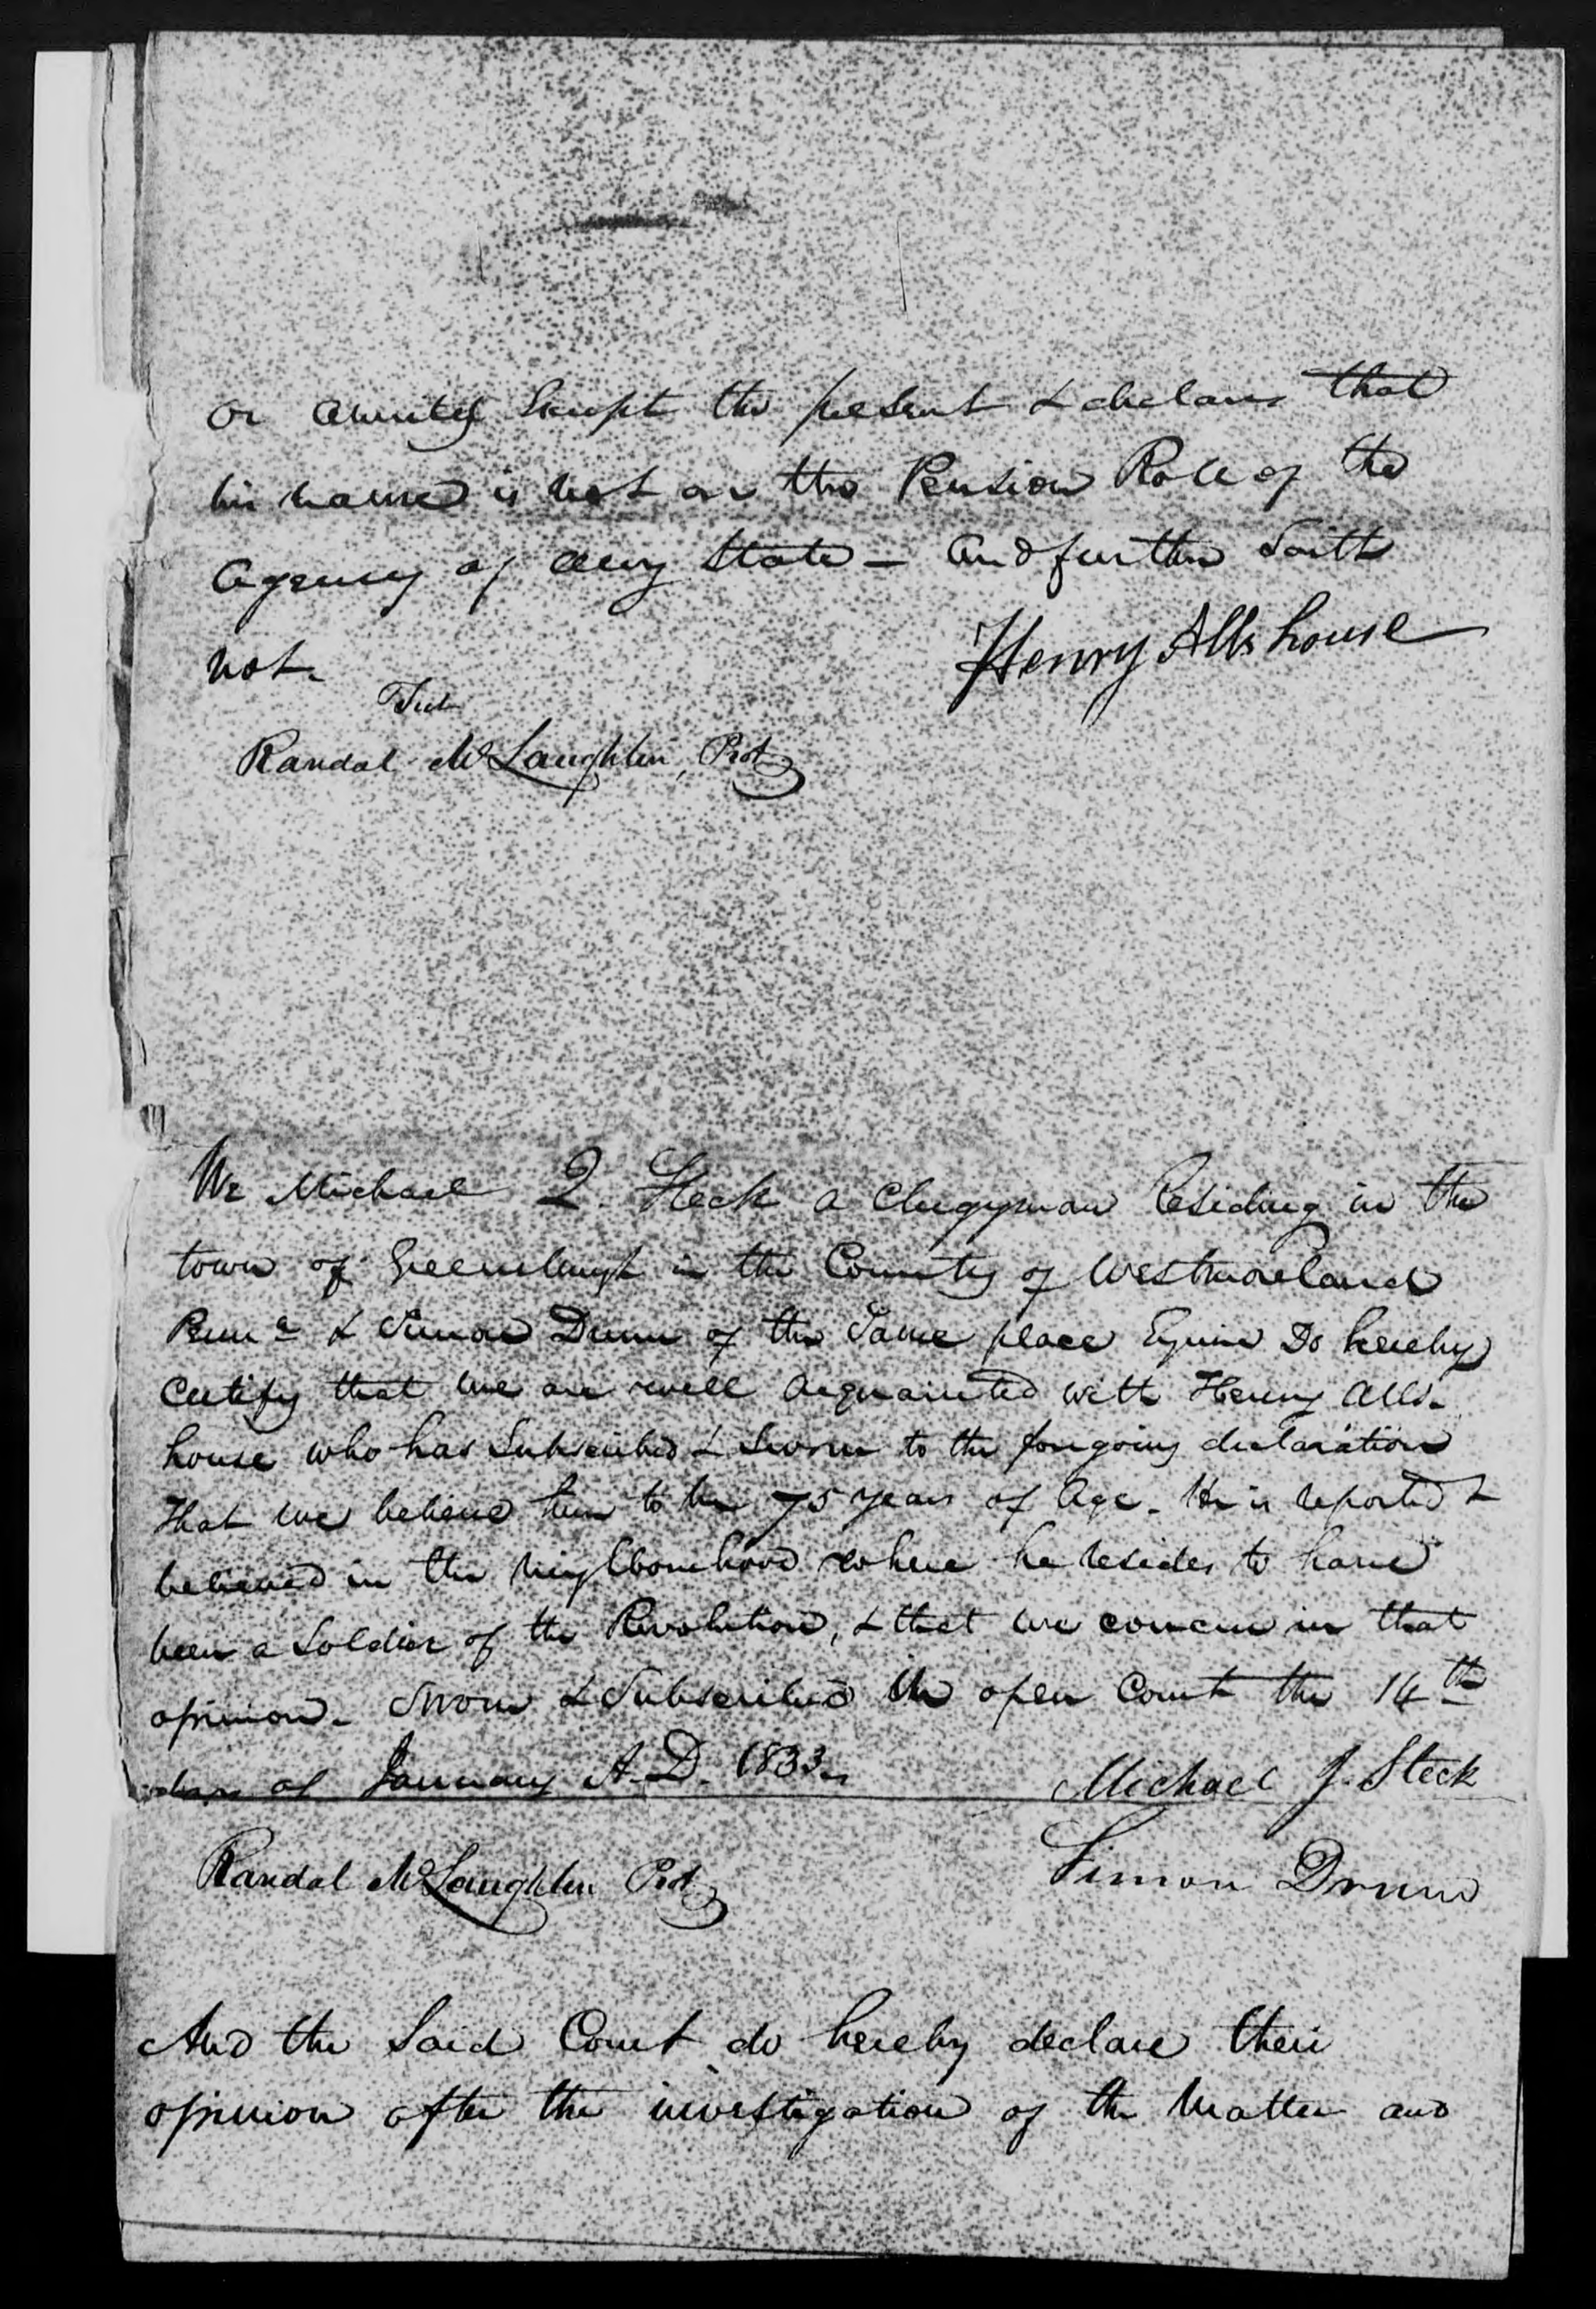or annuity except the present & claims that his name is not on the Pension Role of the Agency of any state. And further said not.
Henry Allshouse
Randal McLaughlin, Prot.

We Michael J. Steck a clergyman residing in the town of Greensburgh in the County of Westmoreland Penna & Simon Dunn of this same place certify that we are well acquainted with Henry Allshouse who has subscribed & sworn to the foregoing declarations that we believe him to be 75 years of age. He is reported & believed in the neighborhood where he resides to have been a soldier of the Revolution & that we concur in that opinion. Sworn & subscribed in open court this 16th day of January A D 1833.
Michael J. Steck
Simon Dunn

Randal McLaughlin Prot
 And the said Court do hereby declare their opinion after the investigation of the matter and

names: Randal Mc Laughlin, Randal Mc Laughlin, Henry Allshouse, Michael J Steck, Henry Allshouse, Michael J Steck, Simon Drum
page: 8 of 24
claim: survivor's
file: S. 2032, Henry Allshouse, Penn.